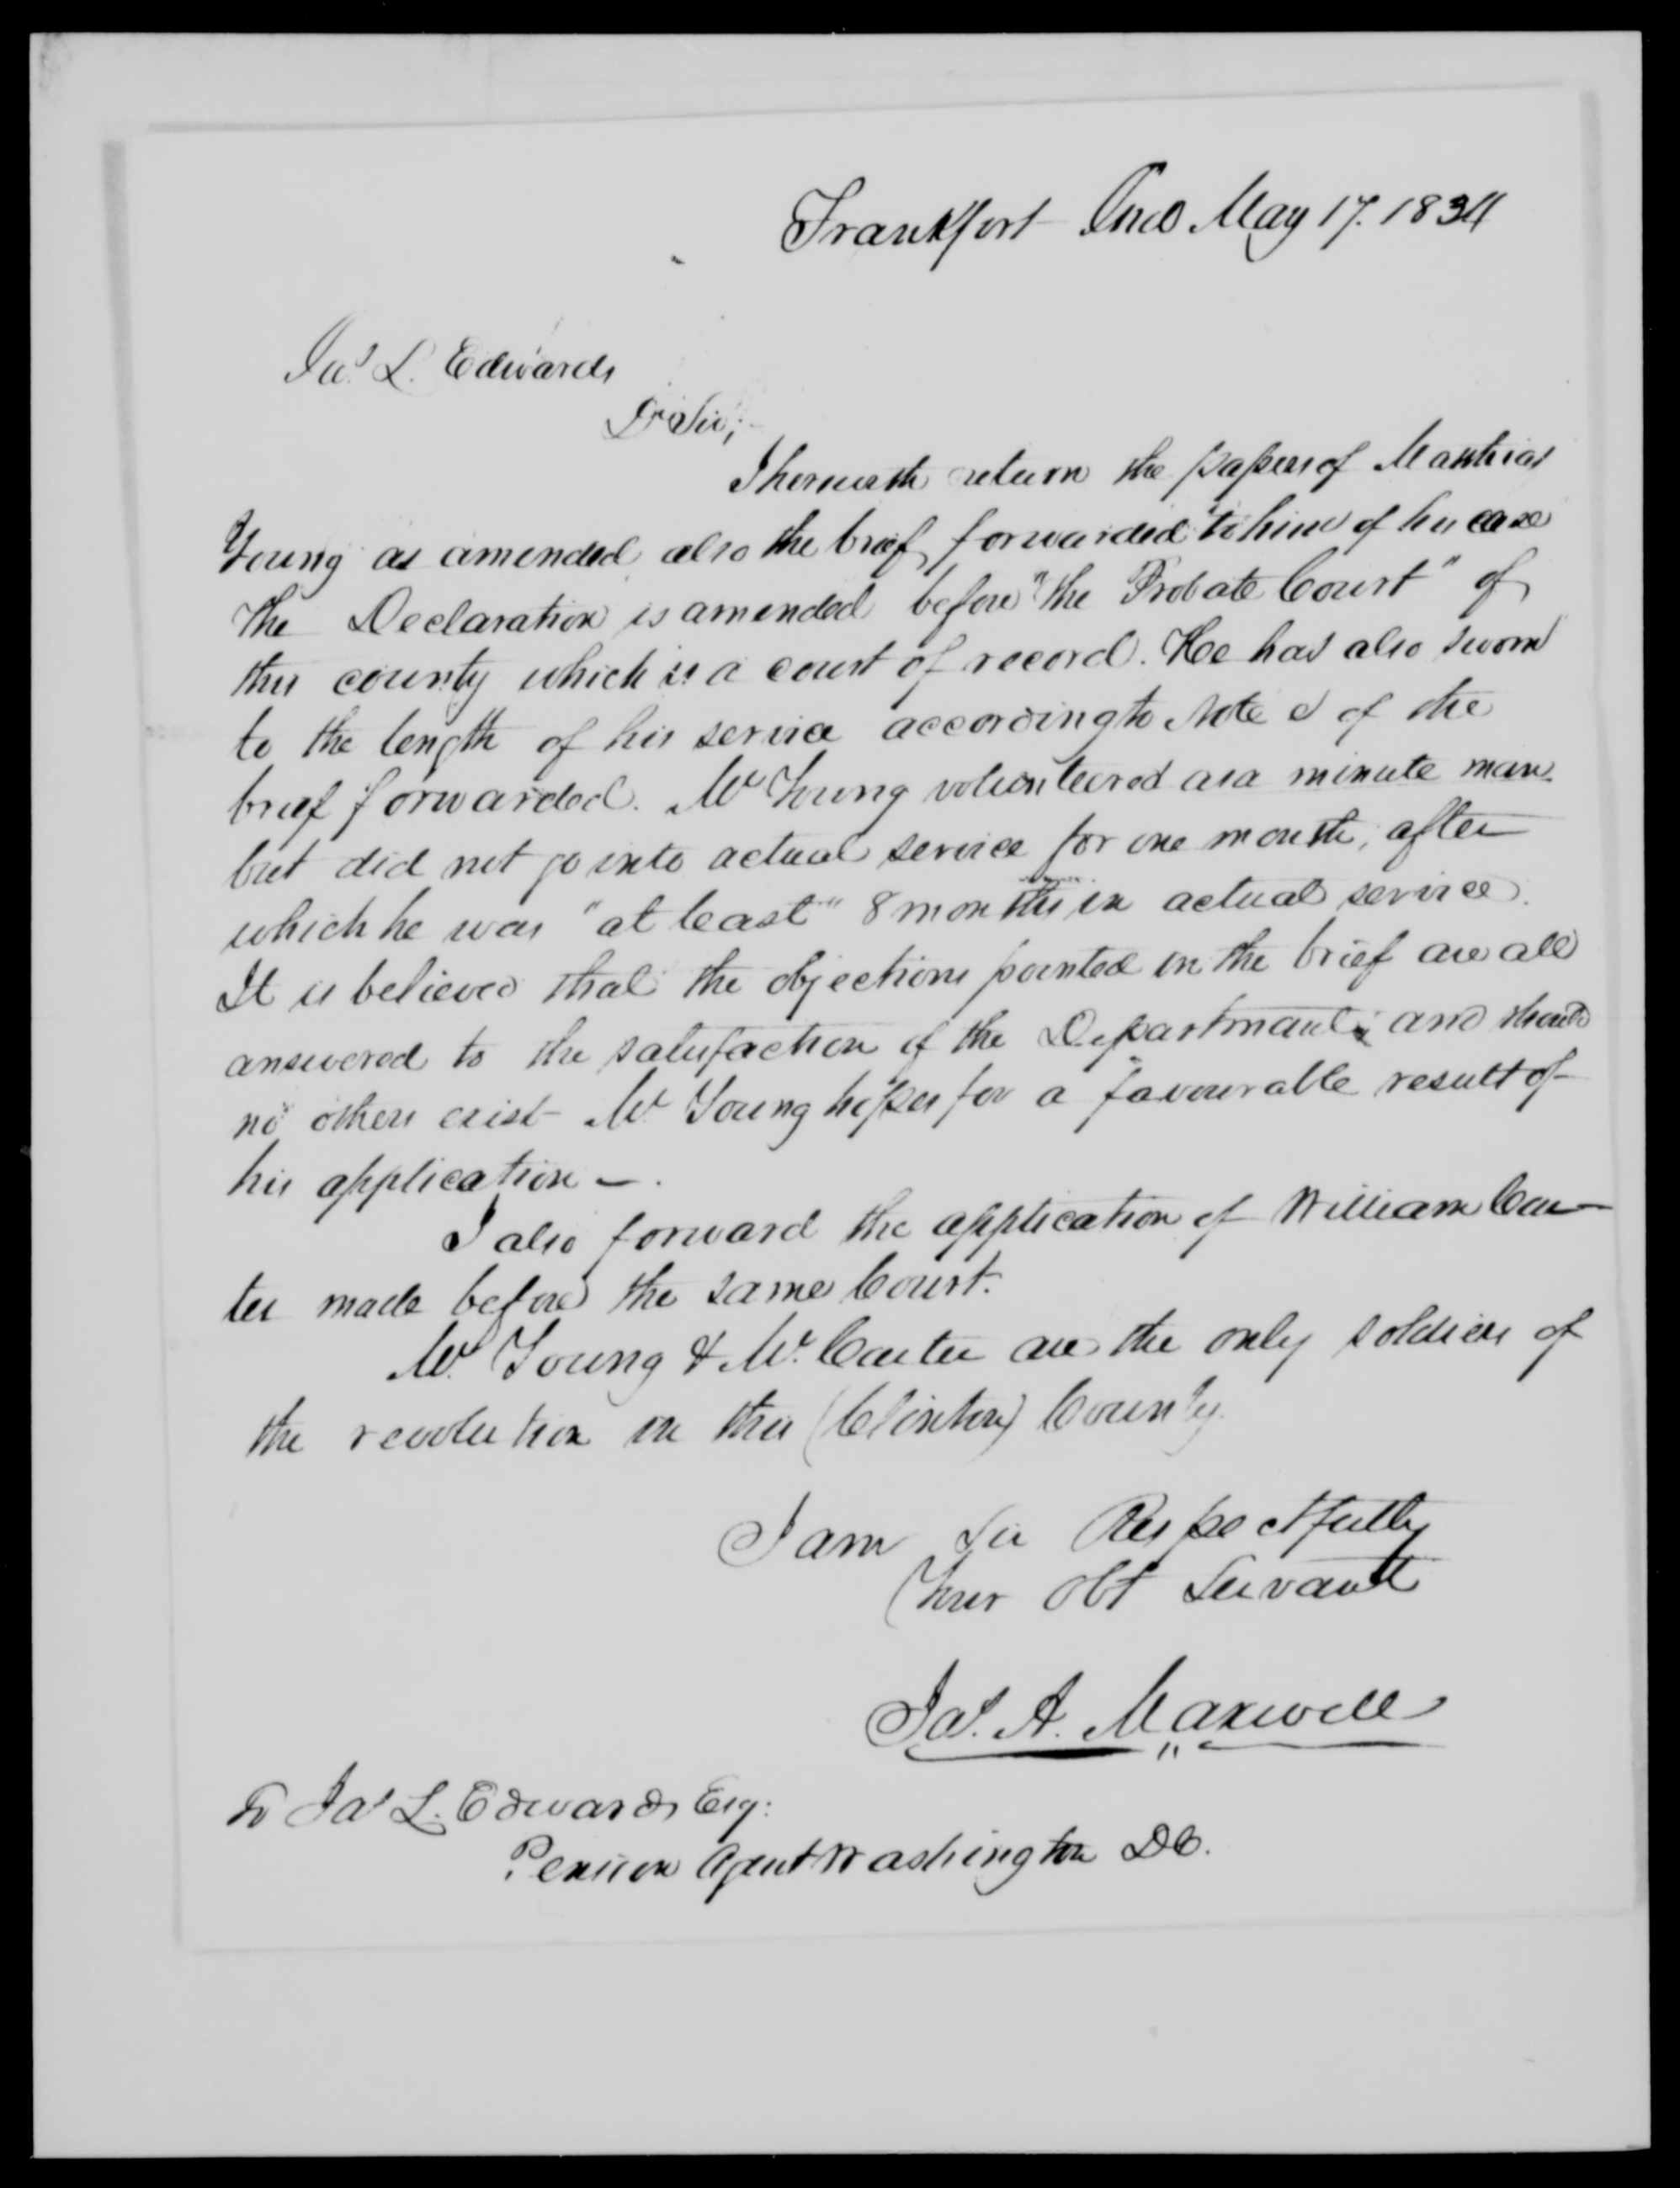Frankfort Ind May 17, 1834
J L Edwards
Sir,
I herewith return the papers of Mathias
Young as amended also the brief forwarded to him of his case. The Declaration is amended before “the Probate Court” of this County which is a Court of record. He has also sworn to the length of his service according to notes of the brief forwarded. Mr Young volunteered as a minute man, but did not go into actual service for one month, after
which he was “at least: 8 months in actual service
It is believed that the objections pointed in the brief are all answered to the satisfaction of the Department, and should no others exist,  Mr Young hopes for a favourable result of his application-
I also forward the application of William Carter made before the same Court.
Mr Young & McCarter are the only soldiers of
the revolution in this (Clinton) County.
I am Sir Respectfully
Your obt Servant
Jas A. Maxwell

To J. L. Edwards Esq.
Pension Agent Washington D C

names: William Carter, Jas A Maxwell, Matthias Young, Jas L Edwards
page: 79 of 123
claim: rejected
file: R. 11,949, Matthias Young, Md.